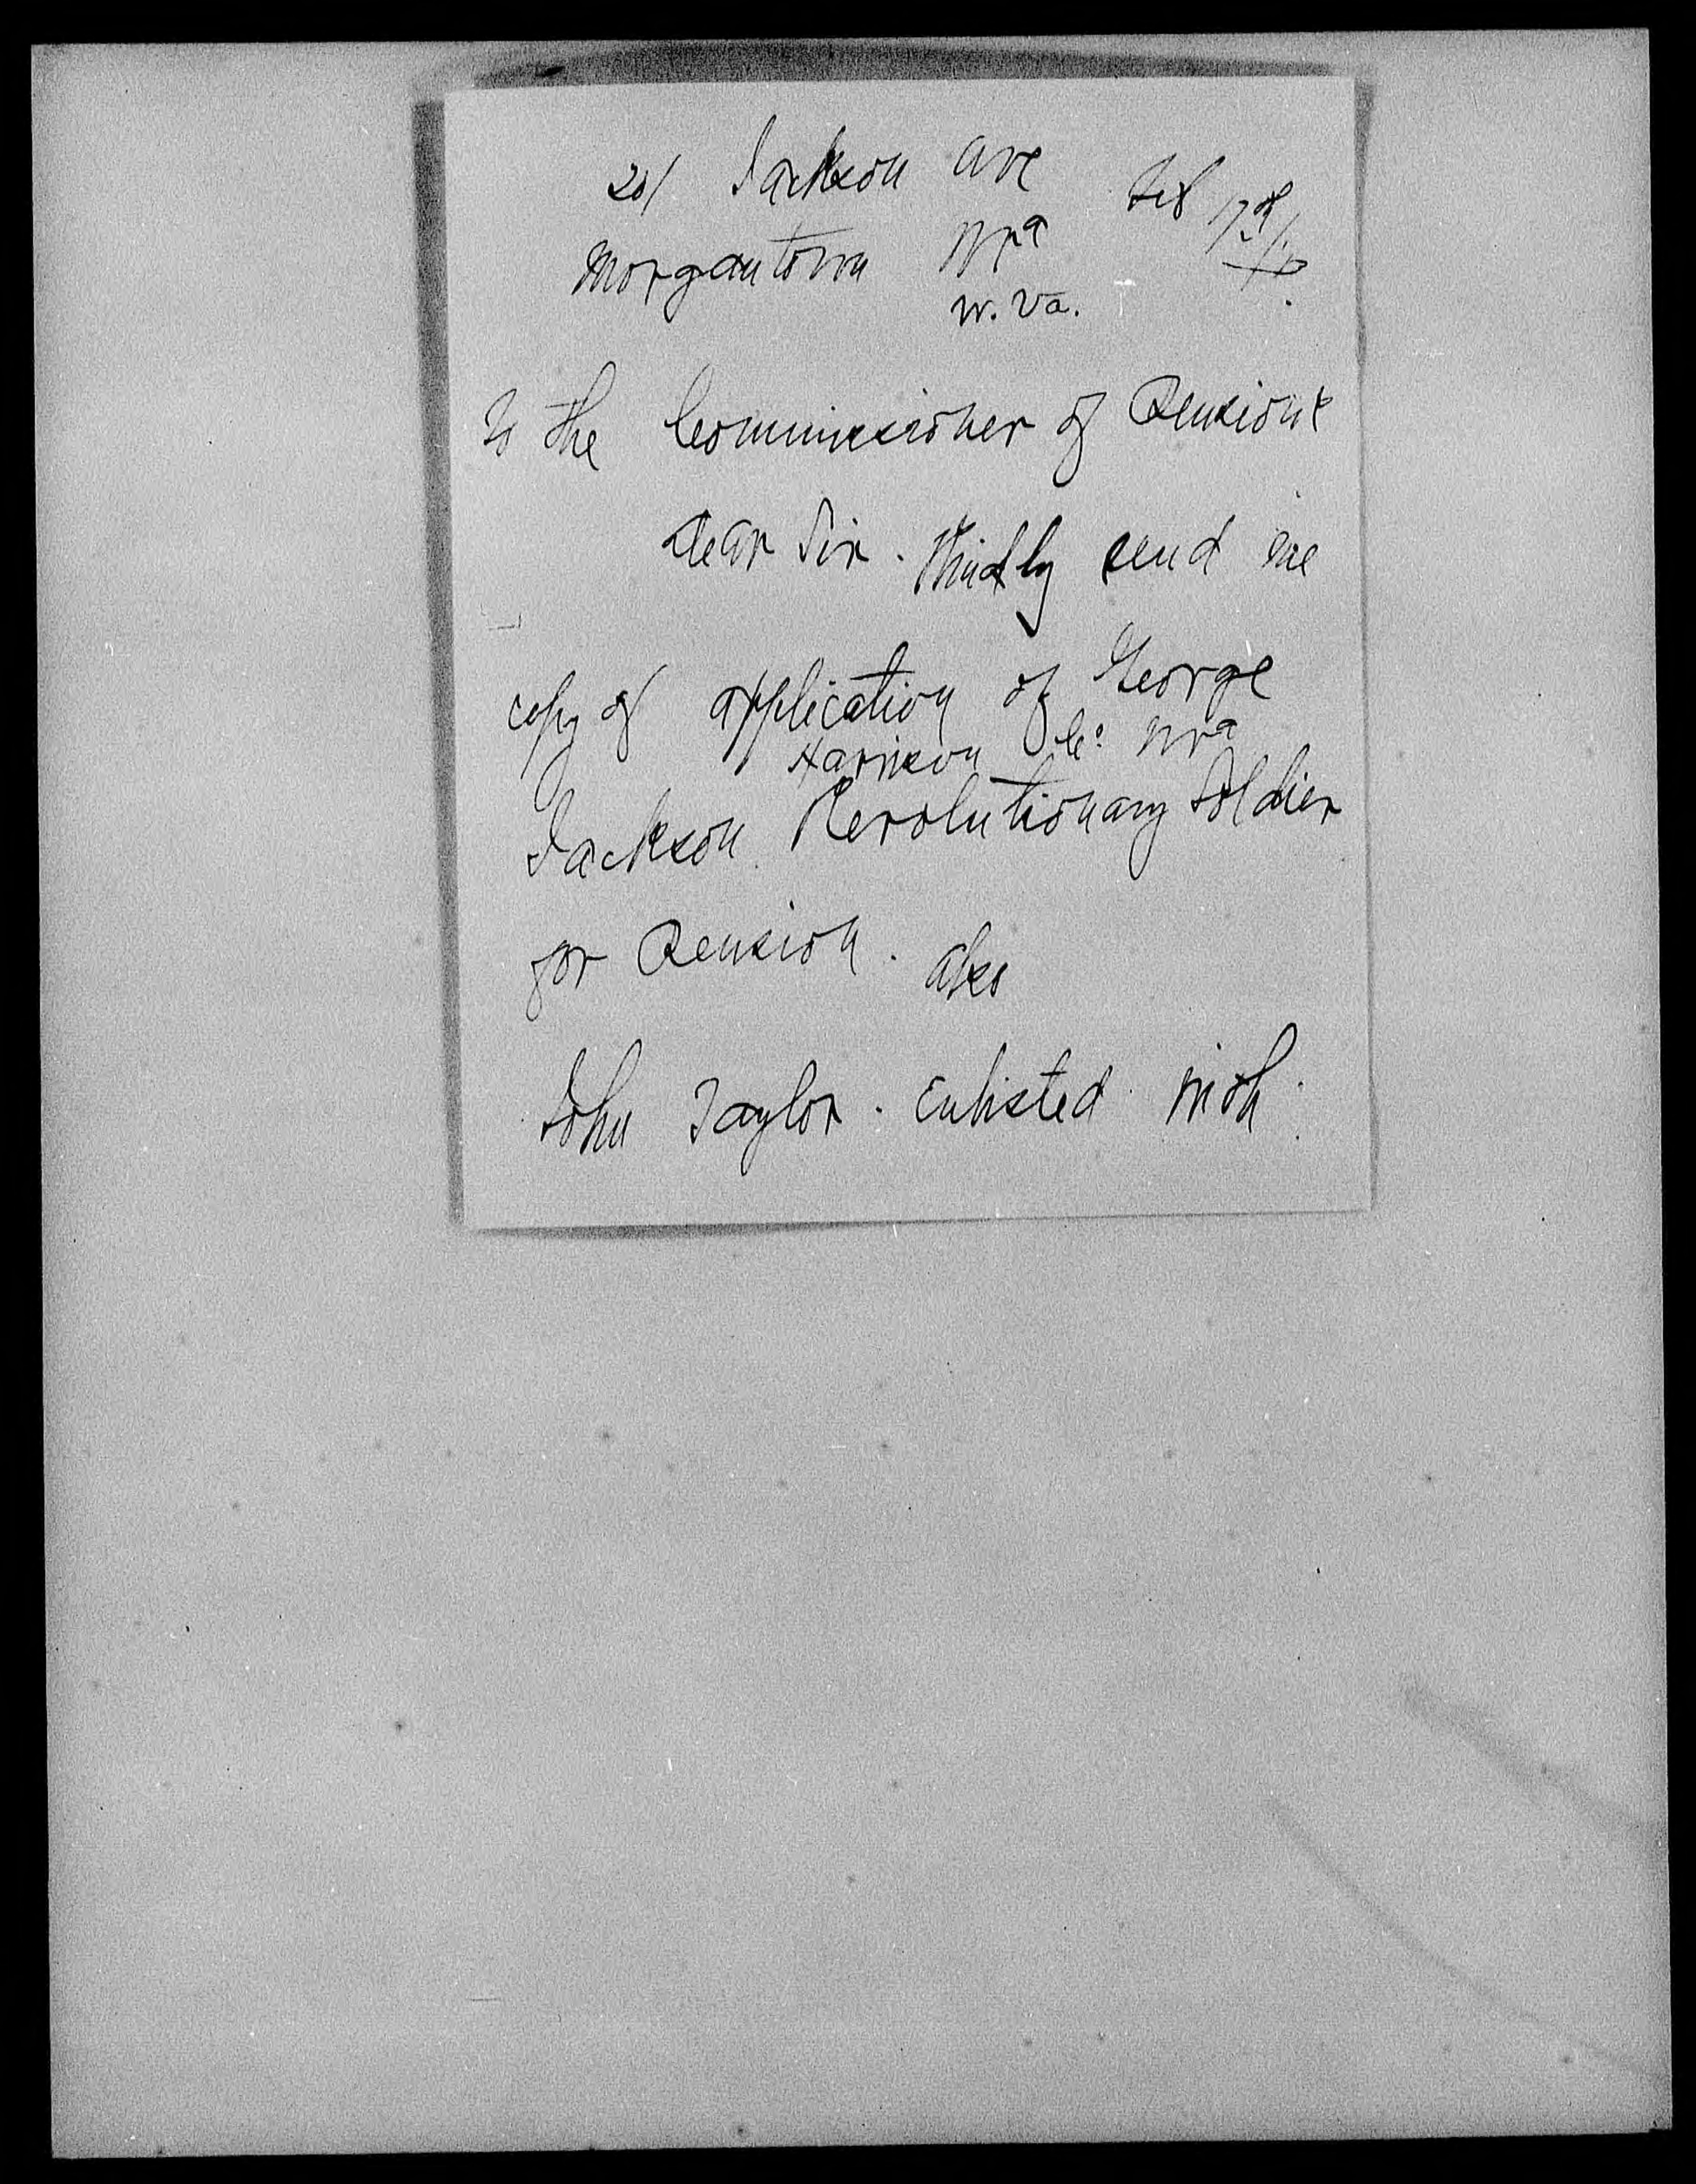201 Jackson Ave
Morgantown [illegible] Feb 17th [illegible]
W.Va.

To the Commissioner of Pensions 

Dear Sir:  Kindly send me 
copy of application of George 
Jackson Harrison Co. WVa Revolutioinary Soldier 
for pension 
also
John Taylor enlisted with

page: 17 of 18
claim: survivor's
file: S. 37,483, for John Taylor, Maryland